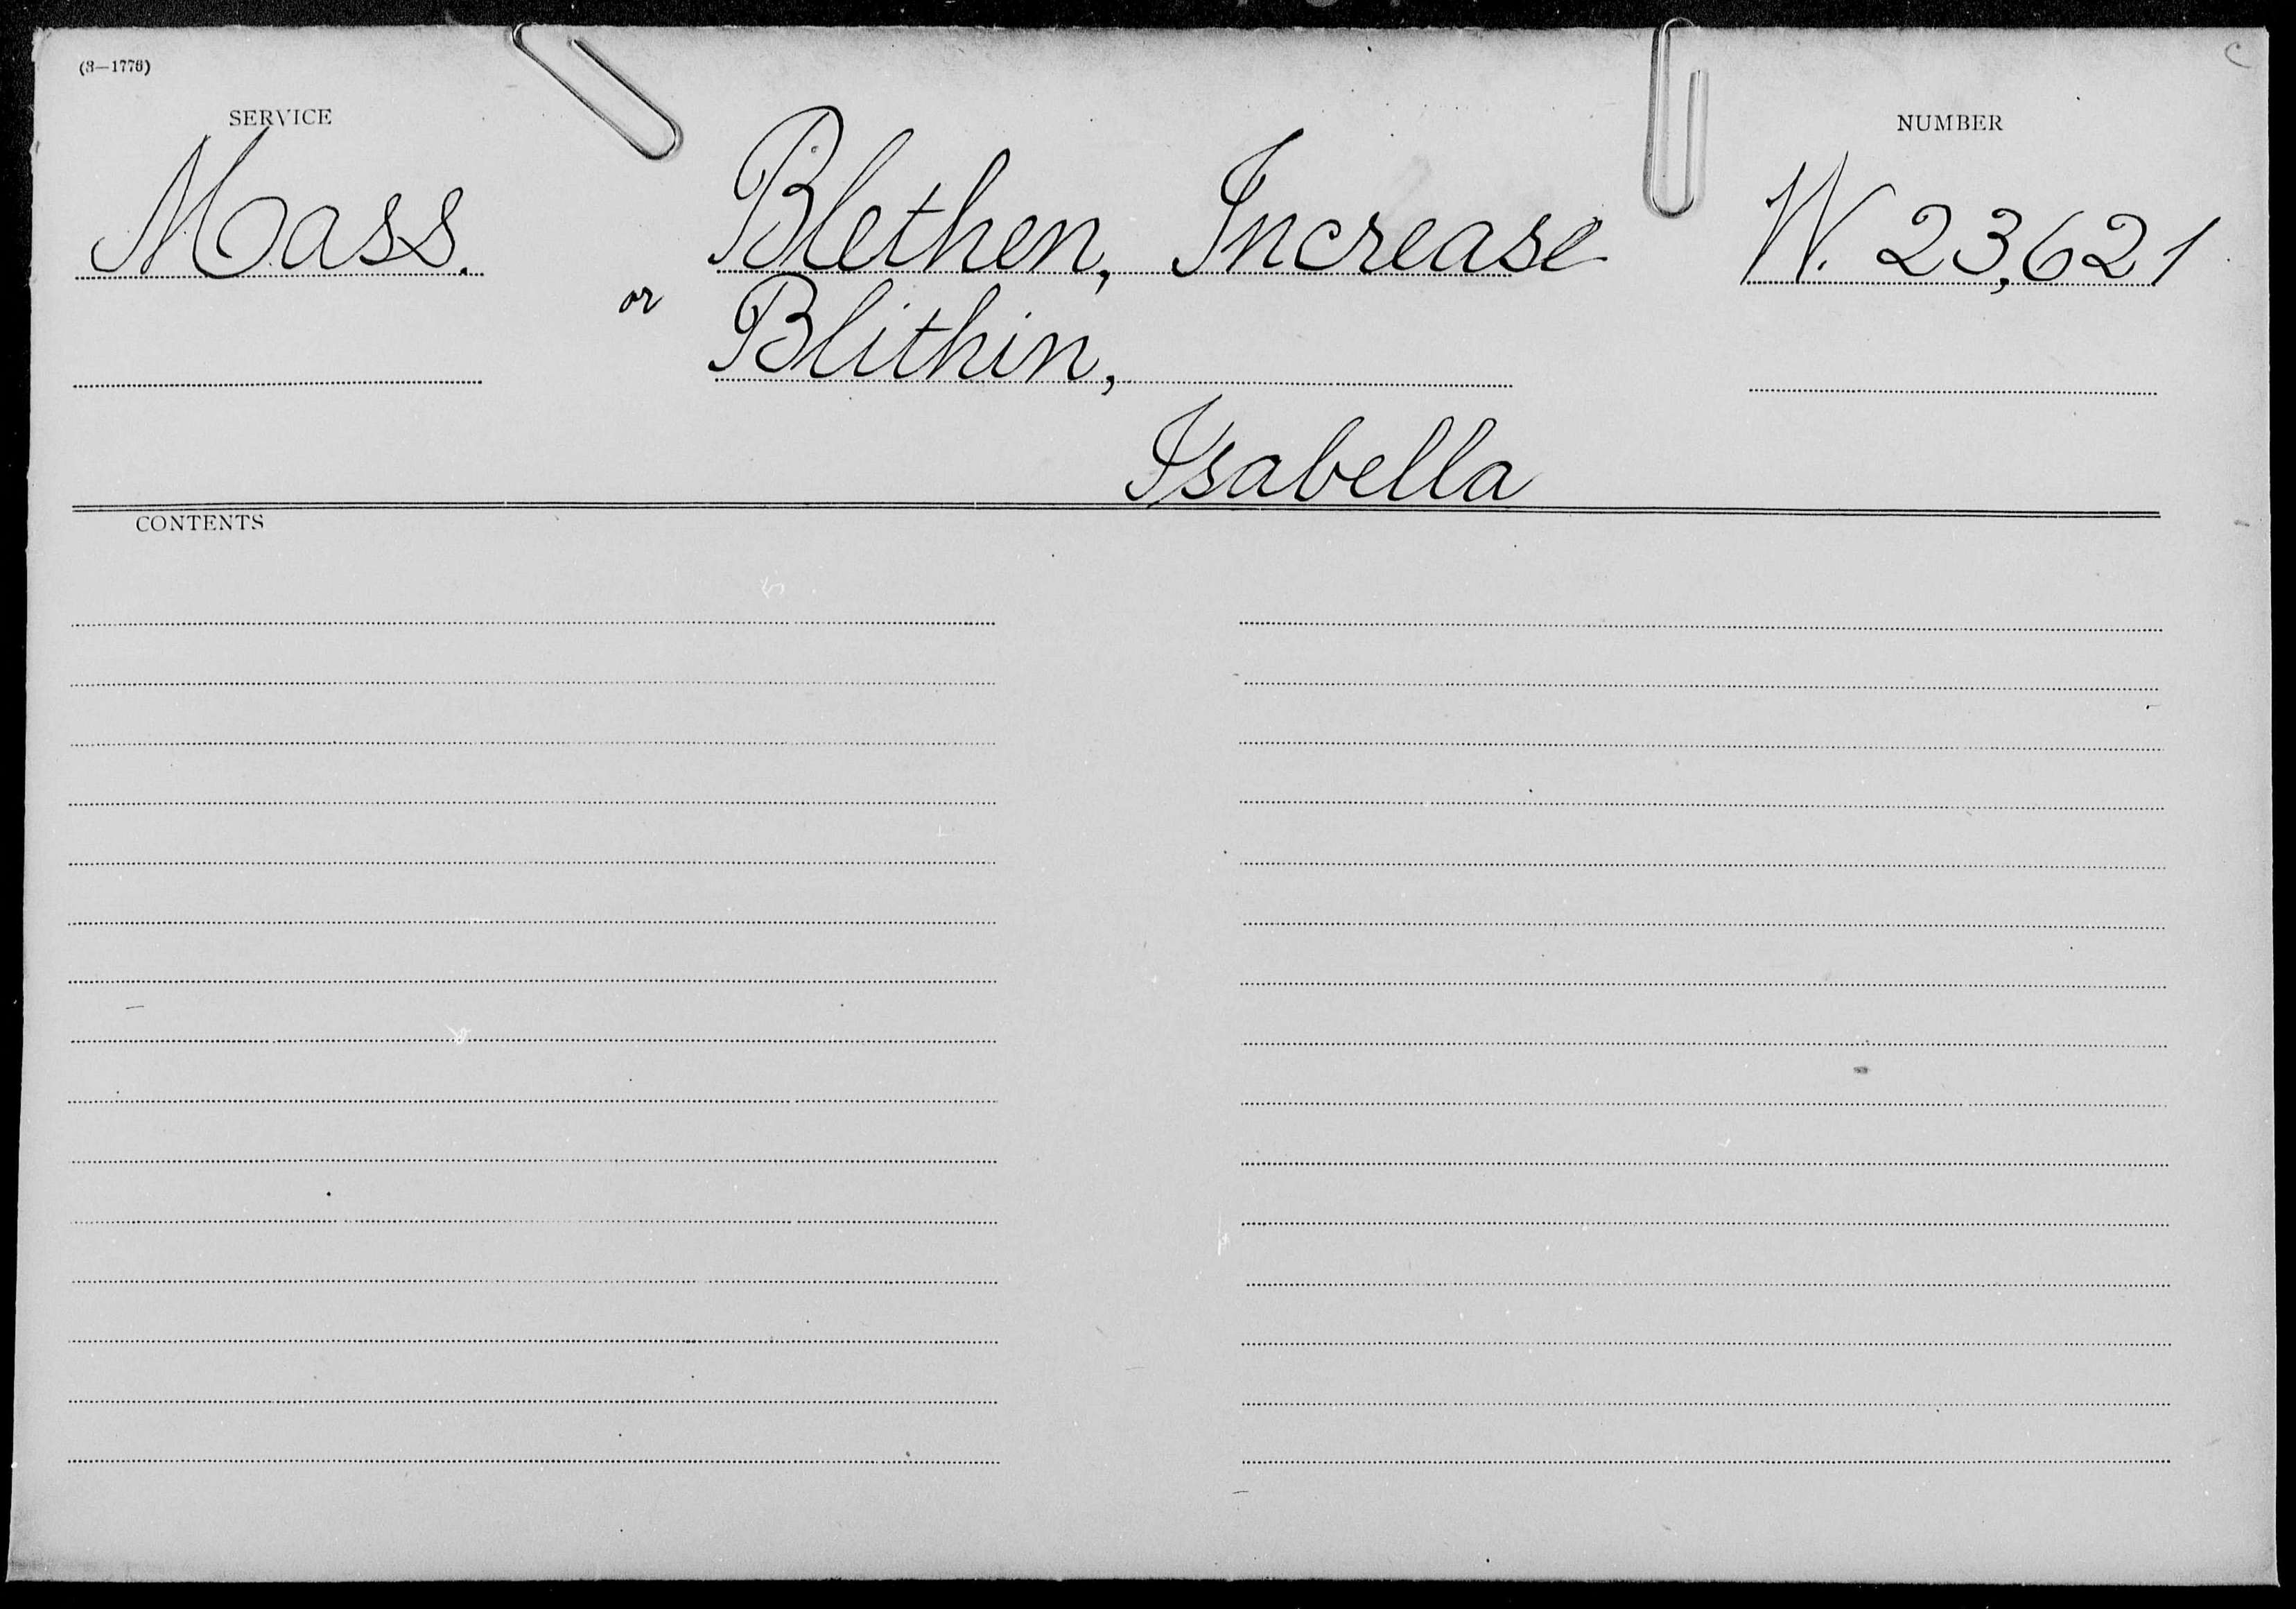(8--1776)

SERVICE       NUMBER
Mass.   Blethen, Increase     W. 23,621
or Blithen
Isabella

CONTENTS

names: Increase Blithin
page: 1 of 39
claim: widow's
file: W. 23,621, Increase Blethen, Mass.